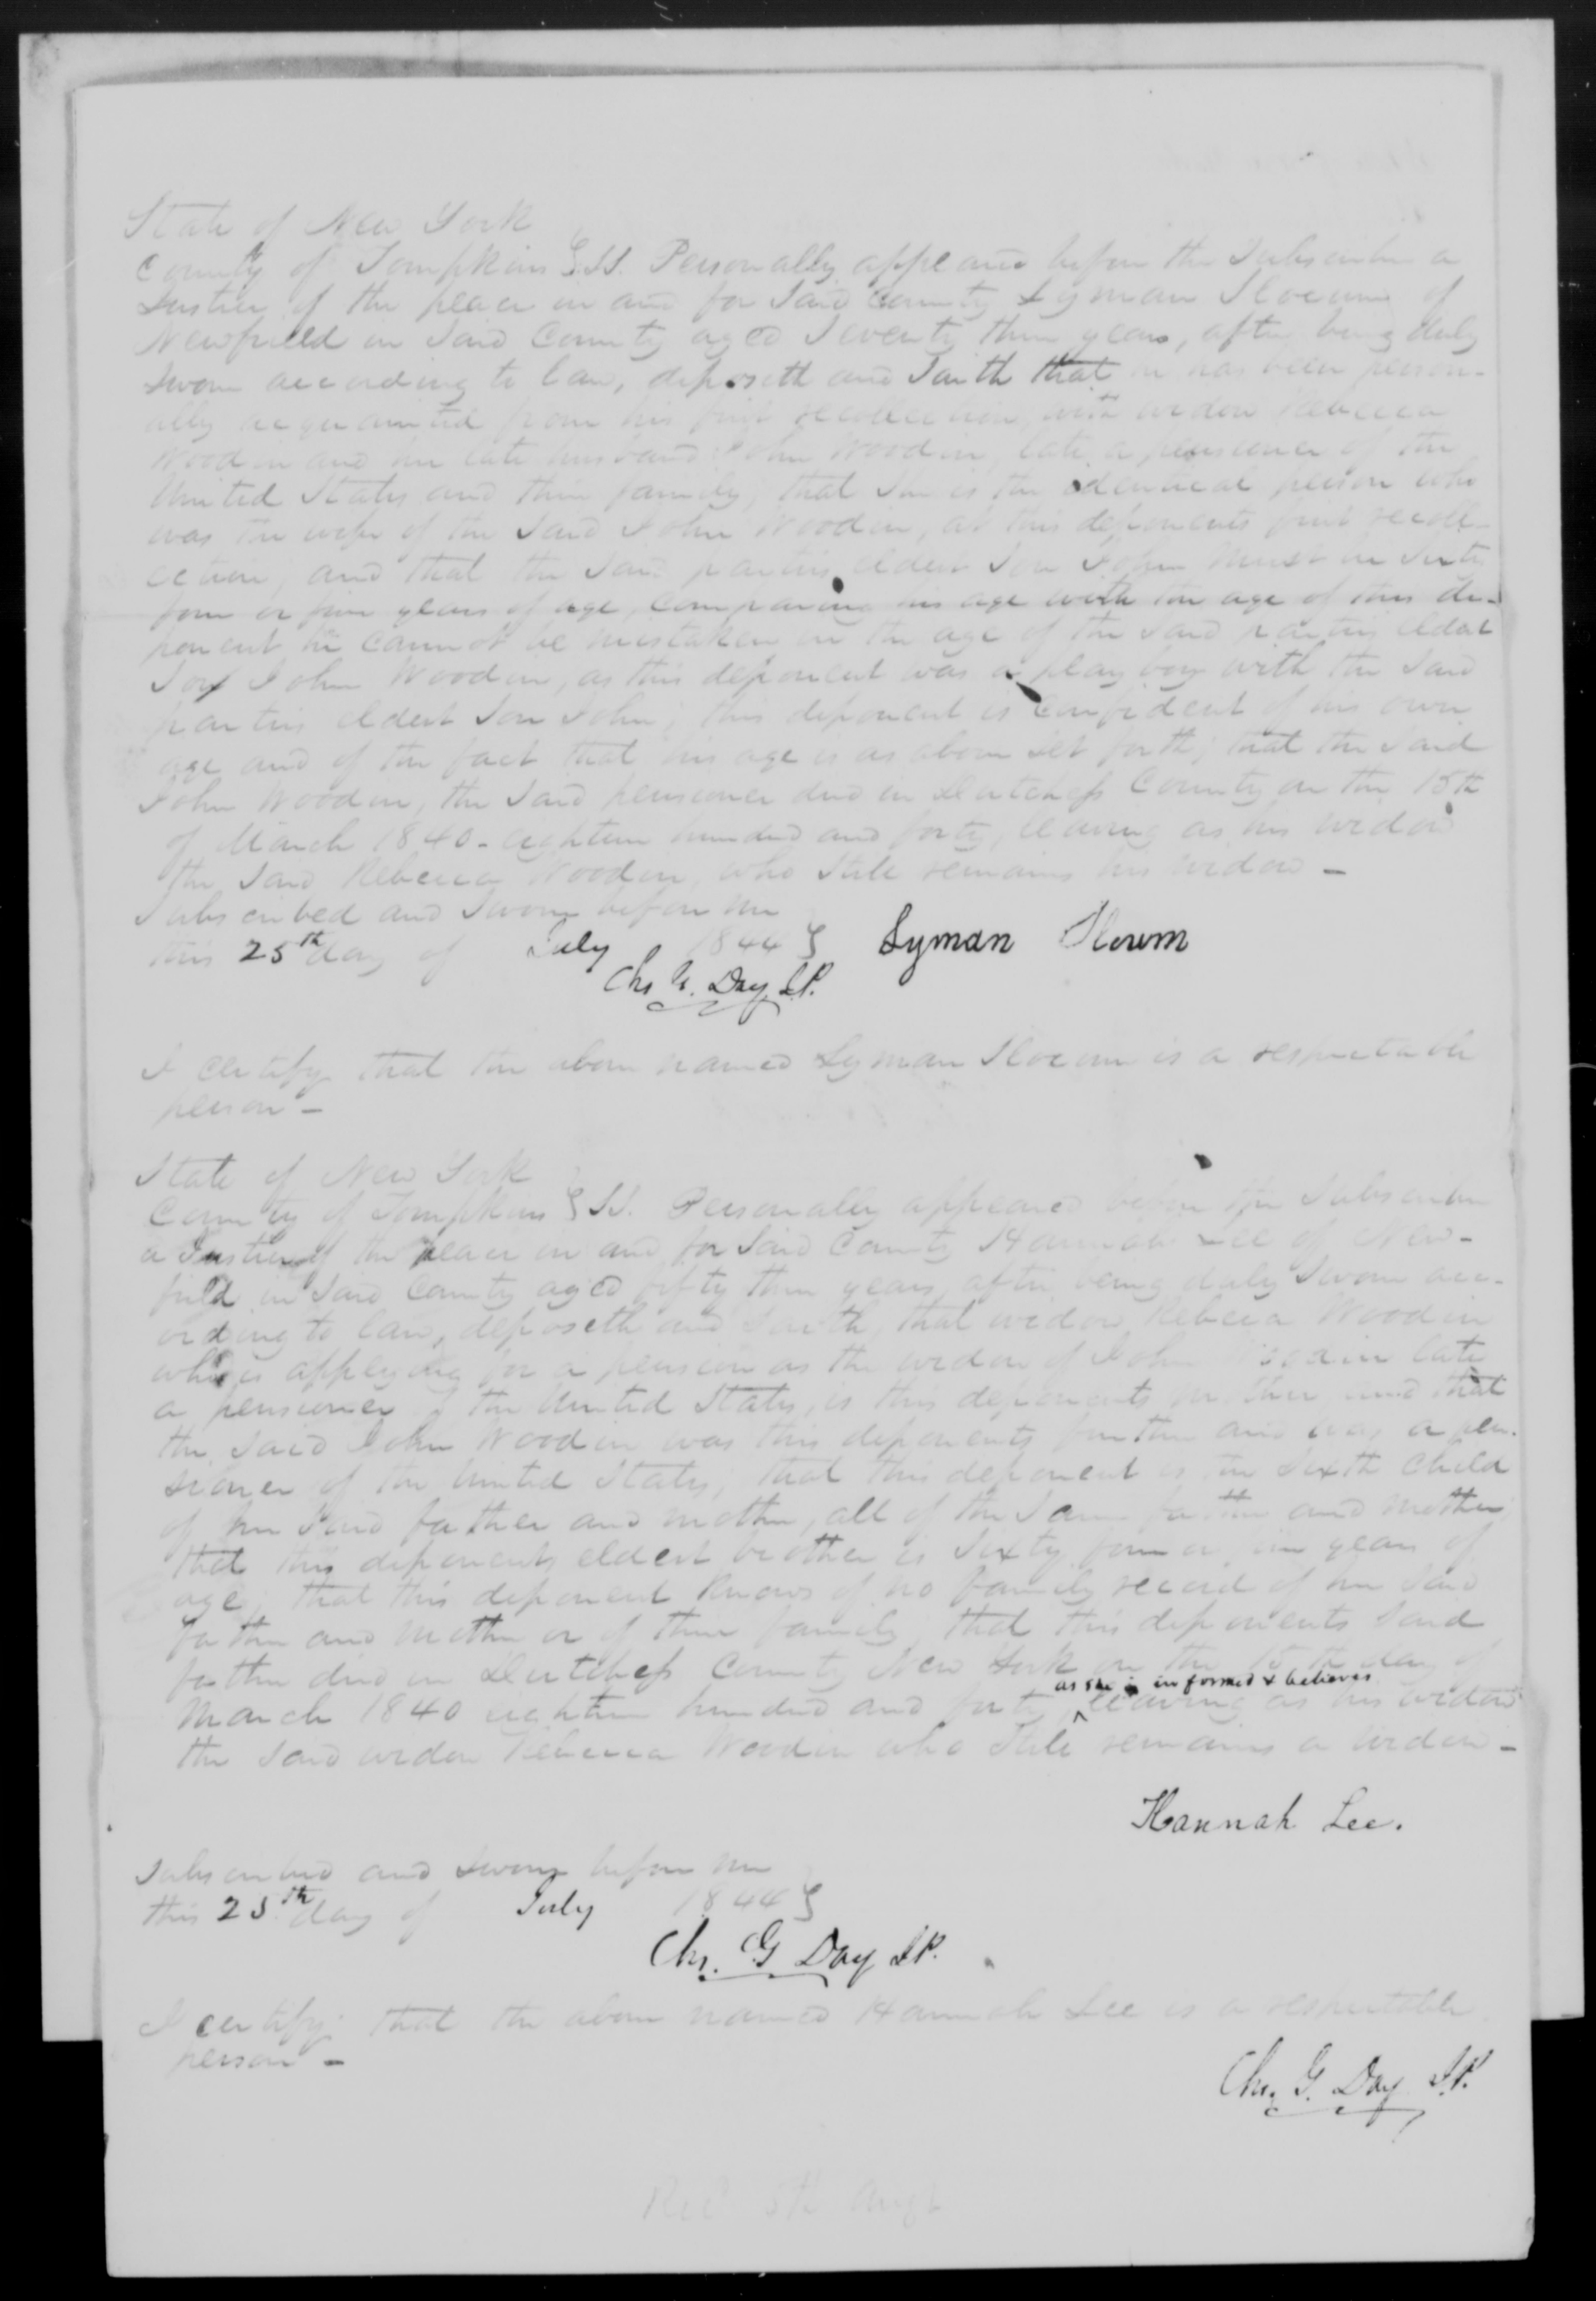State of New York 
County of Tompkins SS,  Personally appeared before the Subscribed a Justice of the peace in and for said County Lyman Slocum of Newfield in said County aged Seventy three years, after being duly sworn according to law, deposeth and saith that he has been personally acquainted from his first recollection with widow Rebecca Woodin and her late husband John Woodin late a pensioner of the United States and their family, that she is the identical person who was the wife of the said John Woodin, at this deponents first recollection and that the said parties elder son John Woodin must be sixty four or five years of age comparing his age with the age of this deponent he cannot be mistaken in the age of the said parties elder son John Woodin, as this deponent was a play boy with the said parties eldest Son John, this deponent is confident of his own age and of the fact that his age is as above set forth; that the said John Woodin, the said pensioner died in Dutchess County on the 15th of March 1840 eighteen hundred and forty leaving as his widow the said Rebecca Wooden who still remains his widow- [signed] Lyman Slocum
Subscribed and sworn before me this 25th day of July 1844 Chs G. Day. JP
I certify that the above named Lyman Slocum is a respectable person- 

State of New York 
County of Tompkins SS.  Personally appeared before the subscribed a Justice of the peace in and for said County Hannah Lee of Newfield in said County aged fifty three years, after being duly sworn according to law, deposeth and saith that widow, Rebeca Woodin who is applying for a pension as the widow of John Woodin late a pensioner of the United States, is this deponents mother and that the said John Woodin was this deponents father and was a pensioner of the United States, that this deponent is the sixth child of her said father and mother, all of the same father and mother that this deponent elder brother is Sixty four years of age that this deponent knows of no family record of her said father and mother or of their family, that this deponents said father died in Dutchess County New York on the 15th day of March 1840 eighteen hundred and forty as she is informed & believes leaving as his widow the said widow Rebecca Woodin who still remains a widow [signed] Hannah Lee 

Subscribed and sworn before me this 25th day of July 1844 Chs. G. Day JP

I certify that the above named Hannah Lee is a reputable person --- Chs G. Day JP.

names: John Wooden, Rebeca Woodin, Lyman Sloum, Rebecca Wooden, Hannah Lee, Chs G Day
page: 29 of 77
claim: widow's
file: W. 19658, John Woodin, New York